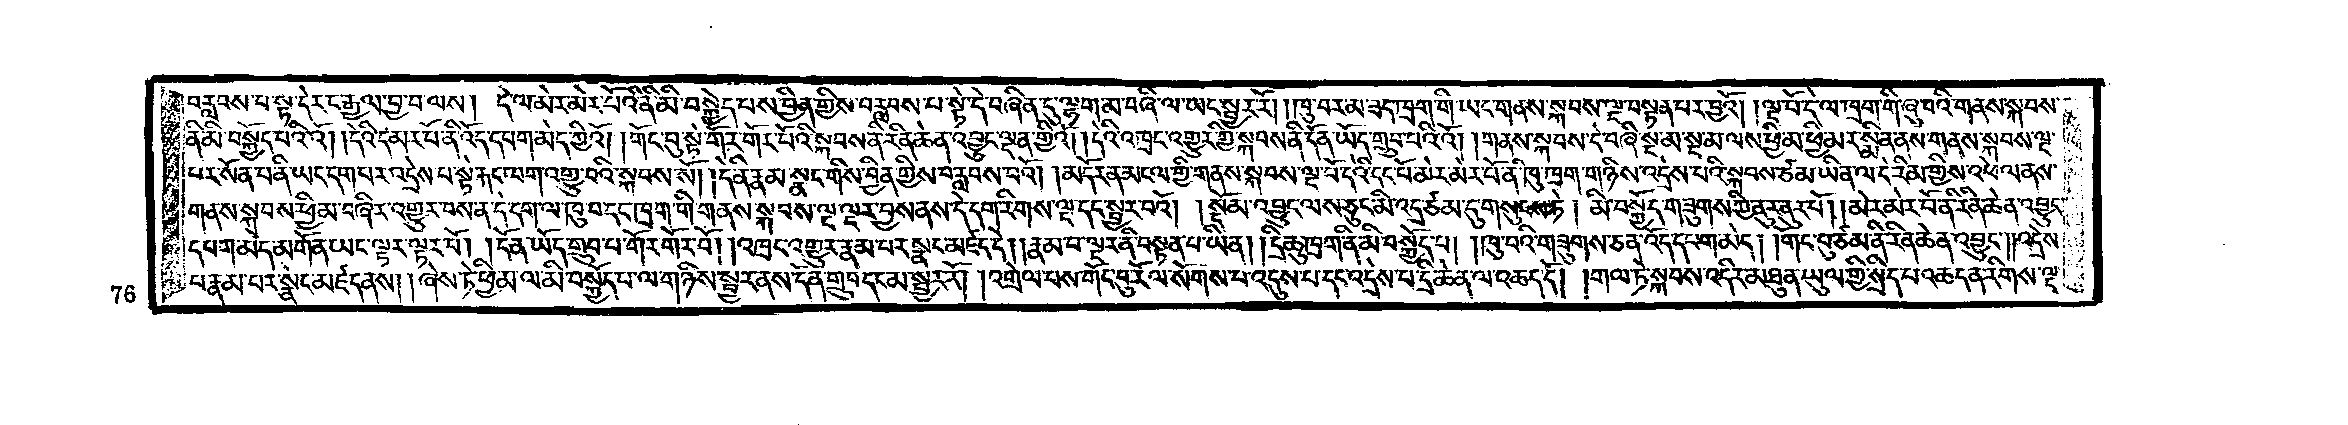བརླབས་པ་སྟེ་དེར་ང་རྒྱལ་བྱ་བ་ལས། དེ་ལ་མེར་མེར་པོའི་ནི་མི་བསྐྱོད་པས་བྱིན་གྱིས་བརླབས་པ་སྟེ་དེ་བཞིན་དུ་ལྷག་མ་བཞི་ལ་ཡང་སྦྱར་རོ། །ཁུ་བར་མ་ཟད་ཁྲག་གི་ཡང་གནས་སྐབས་ལྔ་བསྟན་པར་བྱའོ། །ལྔ་པོ་དེ་ལ་ཁྲག་གི་ཞུ་བའི་གནས་སྐབས་
ནི་མི་བསྐྱོད་པའི་འོ། །དེའི་དམར་པོ་ནི་འོད་དཔག་མེད་ཀྱིའོ། །གོང་བུ་སྟེ་གོར་གོར་པོའི་སྐབས་ནི་རིན་ཆེན་འབྱུང་ལྡན་གྱིའོ། །དེའི་འཁྲང་འགྱུར་གྱི་སྐབས་ནི་དོན་ཡོད་གྲུབ་པའི་འོ། །གནས་སྐབས་དེ་བཞི་སྔ་མ་སྔ་མ་ལས་ཕྱི་མ་ཕྱི་མར་སྨིན་ནས་གནས་སྐབས་ལྔ་
པར་སོན་པ་ནི་ཡང་དག་པར་འདྲེས་པ་སྟེ་རྐང་ལག་འགྱུ་བའི་སྐབས་སོ། །དེ་ནི་རྣམ་སྣང་གིས་བྱིན་གྱིས་བརླབས་པའོ། །མདོར་ན་མངལ་གྱི་གནས་སྐབས་ལྔ་པོ་དེའི་དང་པོ་མེར་མེར་པོ་ནི་ཁུ་ཁྲག་གཉིས་འདྲེས་པའི་སྐབས་ཙམ་ཡིན་ལ་དེ་རིམ་གྱིས་འཕེལ་ནས་
གནས་སྐབས་ཕྱི་མ་བཞིར་འགྱུར་བས་ན་དེ་དག་ལ་ཁུ་བ་དང་ཁྲག་གི་གནས་སྐབས་ལྔ་ལྔར་བྱས་ནས་དེ་དག་རིགས་ལྔ་དང་སྦྱར་བའོ། །སྡོམ་འབྱུང་ལས་ཅུང་མི་འདྲ་ཙམ་དུ་གསུངས་ཏེ། མི་བསྐྱོད་གཟུགས་ཀྱི་ནུར་ནུར་པོ། །མེར་མེར་པོ་ནི་རིན་ཆེན་འབྱུང་། །
དཔག་མེད་མགོན་ཡང་ལྟར་ལྟར་པོ། །དོན་ཡོད་གྲུབ་པ་གར་གོར་བ། །འཕྲང་འགྱུར་རྣམ་པར་སྣང་མཛད་དེ། །རྣམ་པ་ལྔར་ནི་བསྟན་པ་ཡིན། །དྲི་ཆུ་ཁྲག་ནི་མི་བསྐྱོད་པ། །ཁུ་བའི་གཟུགས་ཅན་འོད་དཔག་མེད། །གོང་བུ་ཙམ་ནི་རིན་ཆེན་འབྱུང་། །འདྲེས་
པ་རྣམ་པར་སྣང་མཛད་ནས། །ཞེས་ཏེ་ཕྱི་མ་ལ་མི་བསྐྱོད་པ་ལ་གཉིས་སྦྱར་ནས་དོན་གྲུབ་དང་མ་སྦྱར་རོ། །འགྲེལ་པས་གོང་བུ་རོ་ལ་སོགས་པ་འདུས་པ་དང་འདྲེས་པ་དྲི་ཆེན་ལ་འཆད་དོ། །གལ་ཏེ་སྐབས་འདིར་མཐུན་ཡུལ་གྱི་སྲིད་པ་འཆད་ན་རིགས་ལྔ་